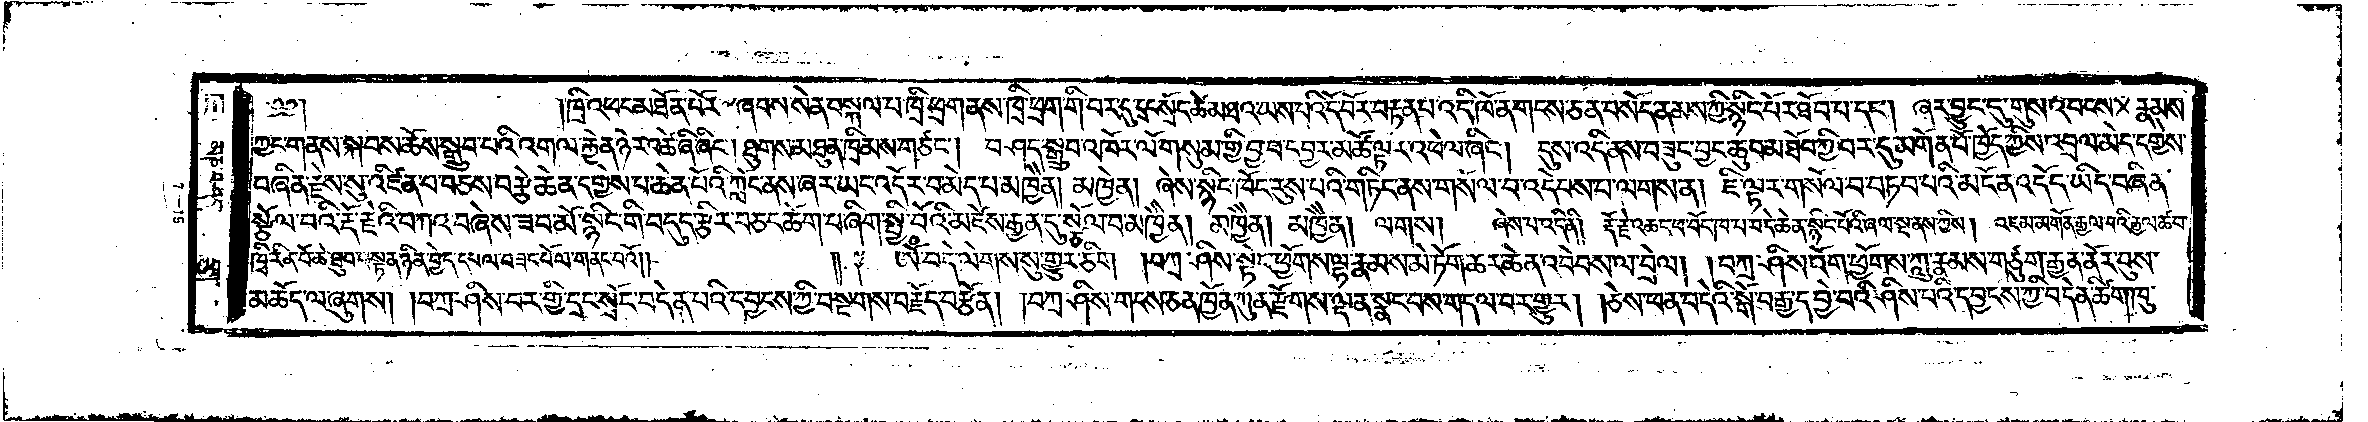༄༅། །ཁྲི་འཕང་མཐོན་པོར ༧ཞབས་སེན་བསྐལ་པ་ཁྲི་ཕྲག་ནས་ཁྲི་ཕྲག་གི་བར་དུ་དྲང་སྲོང་ཚེ་མཐའ་ཡས་པའི་དོ་བོར་བརྟན་པ་འདི་ཁོ་ན་གངས་ཅན་བསོད་ནམས་ཀྱི་སྙིང་པོར་ཐོབ་པ་དང་། ཞར་བྱུང་དུ་གུས་འབངས་྾་རྣམས་
ཀྱང་གནས་སྐབས་ཆོས་སྒྲུབ་པའི་འགལ་རྐྱེན་ཉེར་འཚེ་ཞི་ཞིང་། ཐུགས་མཐུན་ཁྲིམས་གཙང་། བཤད་སྒྲུབ་འཁོར་ལོ་གསུམ་གྱི་བྱ་བ་དབྱར་མཚོ་ལྟར་འཕེལ་ཞིང་། དུས་འདི་ནས་བཟུང་བྱང་ཆུབ་མ་ཐོབ་ཀྱི་བར་དུ་མགོན་པོ་ཁྱོད་ཀྱིས་འབྲལ་མེད་དགྱེས་
བཞིན་རྗེས་སུ་འཛིན་པ་བཅས་བརྩེ་ཆེན་དགྱེས་པ་ཆེན་པོའི་ཀློང་ནས་ཞར་ཡང་འདོར་བ་མེད་པ་མཁྱཻན། མཁྱེན། ཞེས་སྙིང་ཁོང་རུས་པའི་གཏིང་ནས་གསོལ་བ་འདེབས་པ་ལགས་ན། ཇི་ལྟར་གསོལ་བ་བཏབ་པའི་མངོན་འདོད་ཡིད་བཞིན་
སྩོལ་བའི་རྡོ་རྗེའི་བཀའ་བཞེས་ཟབ་མོ་སྙིང་གི་བདུད་རྩིར་བཅང་ཆོག་པ་ཞིག་སྤྱི་བོའི་མཛེས་རྒྱན་དུ་སྩོལ་བ་མཁྱཻན། མཁྱཻན། མཁྱཻན། ལགས། ཞེས་པ་འདི་ནི། རྡོ་རྗེ་འཆང་ཕ་བོང་ཁ་པ་བདེ་ཆེན་སྙིང་པོའི་ཞལ་སྔ་ནས་ཀྱིས། འཇམ་མགོན་རྒྱལ་བའི་རྒྱལ་ཚབ་
ཁྭི་རིན་པོ་ཆེ་ཐུབ་བསྟན་ཉིན་བྱེད་དཔལ་བཟང་པོ་ལ་གནང་བའོ།། །། ༈ ཨོཾ་བདེ་ལེགས་སུ་གྱུར་ཅིག །བཀྲ་ཤིས་སྟེང་ཕྱོགས་ལྷ་རྣམས་མེ་ཏོག་ཆར་ཆེན་འབེབས་ལ་བྲེལ། །བཀྲ་ཤིས་བོག་ཕྱོགས་ཀླུ་རྣམས་གཙུག་རྒྱན་ནོར་བུས་
མཆོད་ལ་ཞུགས། །བཀྲ་ཤིས་བར་གྱི་དྲང་སྲོང་བདེན་པའི་དབྱངས་ཀྱི་བསྔགས་བརྗོད་བརྩོན། །བཀྲ་ཤིས་གངས་ཅན་ཁྱོན་ཀུན་རྫོགས་ལྡན་སྣང་བས་གདལ་བར་གྱུར། །ཅེས་ཕན་བདེའི་སྒོ་བརྒྱ་དབྱེ་བའི་ཤིས་པའི་དབྱངས་ཀྱི་བདེན་ཚིག་ཁུ་